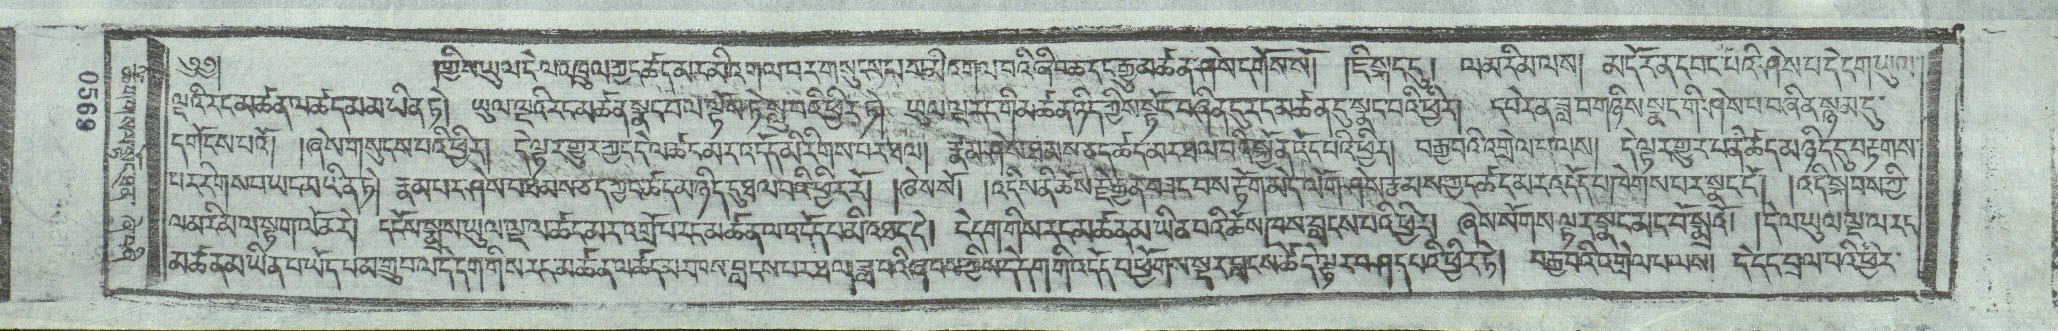༄༅། །གྱིས་ཡུལ་དེ་ལ་འཁྲུལ་ཀྱང་ཚད་མར་མི་འགལ་བར་གསུངས་པས་མི་འགལ་བའི་ཞིབ་ཆ་དང་རྒྱུ་མཚན་ཤེས་དགོས་སོ། །ཇི་སྐད་དུ། ལམ་རིམ་ལས། མདོར་ན་དབང་པོའི་ཤེས་པ་དེ་དག་ཡུལ་
ལྔའི་རང་མཚན་ལ་ཚད་མ་མ་ཡིན་ཏེ། ཡུལ་ལྔའི་རང་མཚན་སྣང་བ་ལ་ལྟོས་ཏེ་སླུ་བའི་ཕྱིར་ཏེ། ཡུལ་ལྔ་རང་གི་མཚན་ཉིད་ཀྱིས་སྟོང་བཞིན་དུ་རང་མཚན་དུ་སྣང་བའི་ཕྱིར། དཔེར་ན་ཟླ་བ་གཉིས་སྣང་གི་ཤེས་པ་བཞིན་སྙམ་དུ་
དགོངས་པའོ། །ཞེས་གསུངས་པའི་ཕྱིར། དེ་ལྟར་གྱུར་ཀྱང་དེ་ལ་ཚང་མར་འདོད་མི་རིགས་པར་ཐལ། རྣམ་ཤེས་ཐམས་ཅད་ཚད་མར་ཐལ་བའི་སྐྱོན་འོང་པའི་ཕྱིར། བརྒྱ་བའི་འགྲེལ་པ་ལས། དེ་ལྟར་གྱུར་པ་ནི་ཚད་མ་ཉིད་དུ་བརྟགས་
པར་རིགས་པ་ཡང་མ་ཡིན་ཏེ། རྣམ་པར་ཤེས་པ་ཐམས་ཅད་ཀྱང་ཚད་མ་ཉིད་དུ་ཐལ་བའི་ཕྱིར་རོ། །ཞེས་སོ། །འདིས་ནི་ཆོས་རྗེ་རྒྱན་བཟང་བས་རྟོག་མེད་ལོག་ཤེས་རྣམས་ཀྱང་ཚད་མར་འདོད་པ་ཁེགས་པར་སྣང་ངོ། །འདི་སྐབས་ཀྱི་
ལམ་རིམ་ལ་སྟག་ལོན་རེ། དངོས་སྨྲས་ཡུལ་ལྔ་ལ་ཚད་མར་འགྲོ་བ་རང་མཚན་ལ་འདོད་པ་མི་འཐད་དེ། དེ་དག་གིས་རང་མཚན་མ་ཡིན་པའི་ཆོས་ཁས་བླངས་པའི་ཕྱིར། ཞེས་སོགས་ལྟར་སྣང་མང་བོ་སྨྲའོ། །དེ་ལ་ཡུལ་ལྔ་ལ་རང་
མཚན་མ་ཡིན་པ་ཡོད་པ་མ་གྲུབ་ལ་དེ་དག་གིས་རང་མཚན་ལ་ཚད་མར་ཁས་བླངས་པར་ཐལ། ཟླ་བའི་ཞབས་ཀྱིས་དེ་དག་གི་འདོད་པ་ཕྱོགས་སྔར་བླངས་ཚེ་དེ་ལྟར་བཤད་པའི་ཕྱིར་ཏེ། བརྒྱ་བའི་འགྲེལ་བ་ལས། དེ་དང་བྲལ་པའི་ཕྱིར་